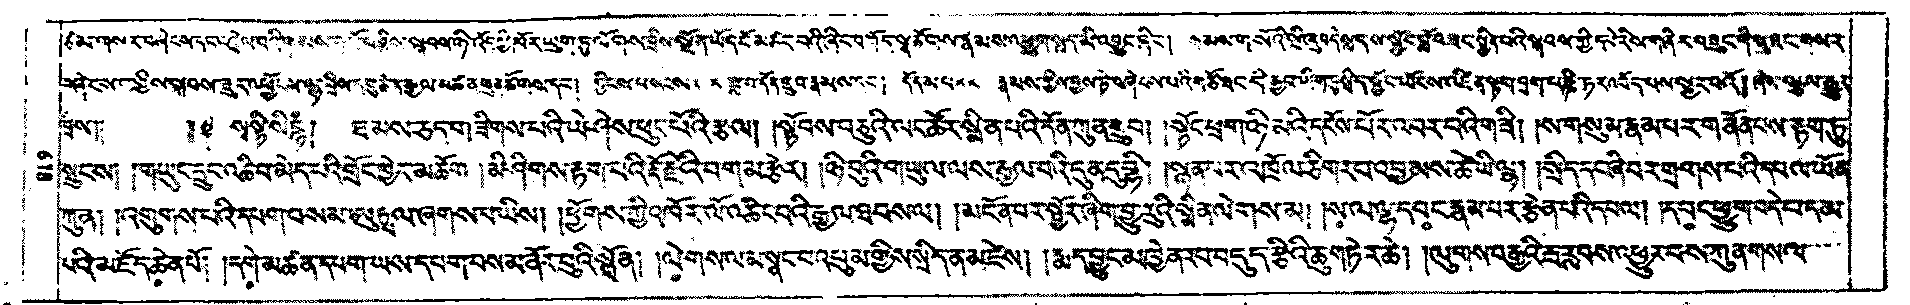ཙམ་གསར་བཞེངས་དང་འབྲེལ་བའི་ཉམས་གསོ་བགྱིས་སྐབས་ཉི་འོད་ཀྱི་ཁོར་ཡུག་ཏུ་ལོགས་བྲིས་སྔོན་ཡོད་ངོ་མཚར་བའི་ཞིང་བཀོད་སྣ་ཚོགས་རྣམས་འཕྱུག་སླད་མི་འབྱུང་ཞིང་། ཉམས་གསོའི་སྲི་ཞུ་བདེ་སླད་ས་སྐྱོང་བློ་བཟང་སྦྱིན་པའི་སྐབས་ཀྱི་དཔེ་རིས་གཞིར་བཟུང་གི་སྐུ་ཐང་གསར་
བཞེངས་བགྱིས་སྐབས་ཟུར་འཕྱོངས་ལྷ་བྲིས་དབུ་ཆེན་རྒྱལ་མཚན་ཕུན་ཚོགས་དང་། བྱིངས་པ་སངས་྾་྾་ཟླ་བ་དོན་གྲུབ་རྣམས་དང་། དོ་དམ་པ་྾་྾་རྣམས་ཀྱིས་བྱས་ཏེ་བཞེངས་པའི་གཙོ་ཐང་གི་རྒྱབ་ཡིག་ཏུ་སྲིད་སྐྱོང་ཡོངས་འཛིན་སྟག་བྲག་པཎྜི་ཏར་འབོད་པས་སྦྱར་བའོ། །ཞེས་སྩལ་རྒྱུར་
བྲིས།། །། ༈ སྭ་སྟི་སིདྷཾ། ཐམས་ཅད་གཟིགས་པའི་ཡེ་ཤེས་ཕུང་པོའི་རྩལ། །སྟོབས་བཅུའི་ལང་ཚོར་སྨིན་པའི་དོན་ཀུན་གྲུབ། །སྟོང་ཕྲག་ཉི་མའི་དངོས་པོར་འབར་བའི་གཟི། །ས་གསུམ་རྣམ་པར་གནོན་པས་རྟག་ཏུ་
སྲུངས། །གཡུང་དྲུང་འཆི་བ་མེད་པའི་གྲོང་ཁྱེར་མཆོག །མི་ཤིགས་རྟག་པའི་རྡོ་རྗེའི་བ་གམ་རྩེར། །ཉི་བུའི་གཡུལ་ལས་རྒྱལ་བའི་དུན་དུ་བྷི། །སྙན་པར་འཁྲོལ་ཅིག་རབ་འབྱམས་ཚེ་ཡི་ལྷ། །སྲིད་དང་ཞི་བར་གྲགས་པའི་དཔལ་ཡོན་
ཀུན། །འགུགས་པའི་དཔག་བསམ་ཨུཏྤལ་ཞགས་པ་ཡིས། །ཕྱོགས་ཀྱི་འཁོར་ལོ་འཆིང་བའི་རྒྱལ་ཐབས་ལ། །མངོན་པར་སྦྱོར་ཞིག་བྱུ་རུའི་སྨིན་ལེགས་མ། །ས྾་ལ་ལྷ་དབང྾་རྣམ་པར་རྩེན་པའི་དཔལ། །དབང྾་ཕྱུག་བདེ་བ་དམ་
པའི་མཛོད་ཆེན྾་པོ། །དགེ྾་མཚན་དཔག་ཡས་དཔག་བསམ་ནོར་བུའི་སྒྲོན། །ལེགས྾་ལམ་སྣང་བ་འབུམ་གྱིས་སྲིད་ན་མཛེས། །རྨད་བྱུང་མཁྱེན་རབ་བདུད་རྩིའི་ཆུ་གཏེར་ཆེ། །ལུགས་བརྒྱའི་རྦ་རླབས་འཕྱུར་བས་ཀུན་གསལ་